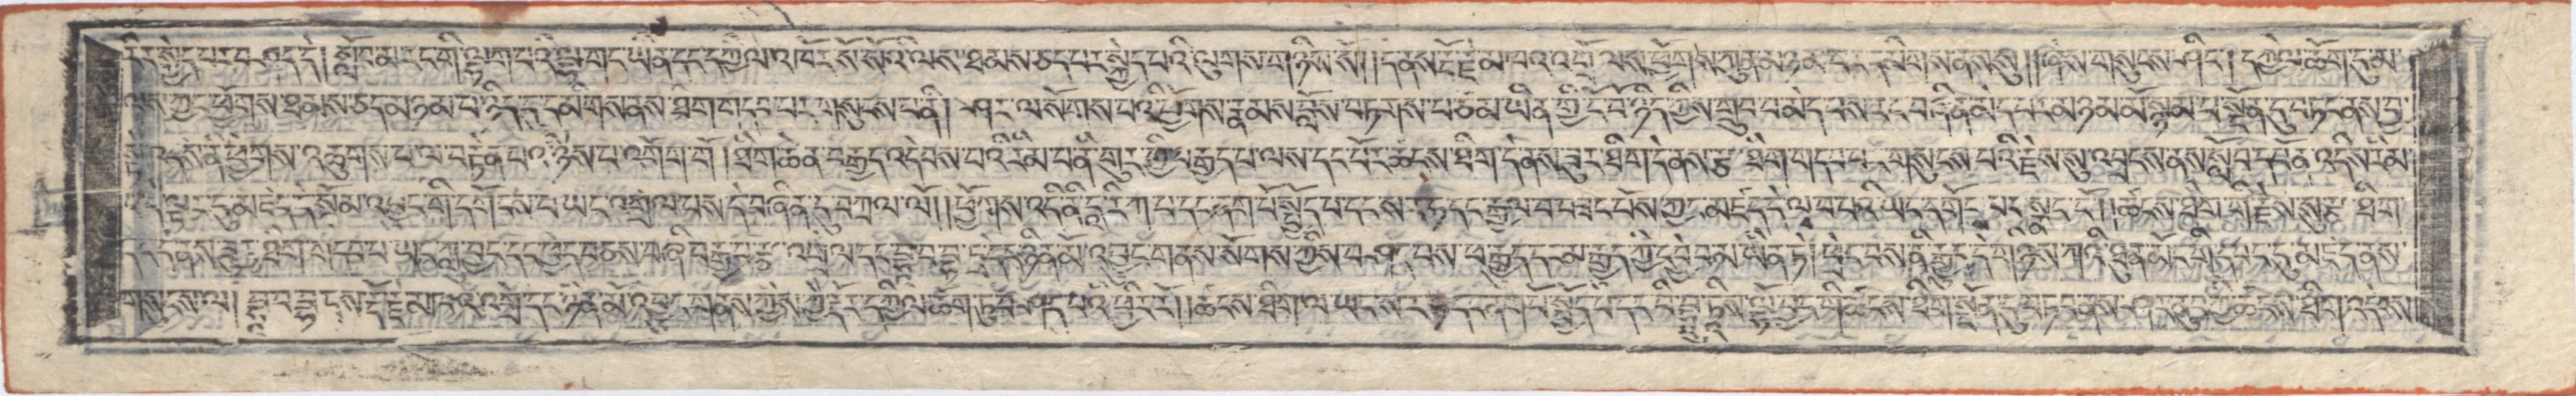རིང་སྐྱེད་པར་བཤད་དེ། སློབ་མ་རང་གི་ལྷག་པའི་ལྷ་གང་ཡིན་དང་དཀྱིལ་འཁོར་སོ་སོའི་ལས་ཐམས་ཅད་པར་སྐྱེད་པའི་ལུགས་གཉིས་སོ། །དེ་ནས་རྡོ་རྗེ་མཁའ་འགྲོ་ལས་ཕྱོགས་ཀུན་མཉམ་པར་དམིགས་ནས་སུ། །ཞེས་གསུངས་ཤིང་། དཀྱིལ་ཆོག་དུ་མ་
ལས་ཀྱང་ཕྱོགས་ཐམས་ཅད་མཉམ་པ་ཉིད་དུ་དམིགས་ནས་ཐིག་གདབ་པར་གསུངས་པ་ནི། ཤར་ལ་སོགས་པའི་ཕྱོགས་རྣམས་བློས་བཏགས་པ་ཙམ་ཡིན་གྱི་ངོ་བོ་ཉིད་ཀྱིས་གྲུབ་པ་མེད་པས་རང་བཞིན་མེད་པར་མཉམ་མོ་སྙམ་པ་སྔོན་དུ་བཏང་ནས་བྱ་
སྟེ་འདིས་ནི་ཕྱོགས་འཆུགས་པ་ལ་བརྟེན་པའི་ཉིས་པ་འགོག་གོ །ཐིག་ཆེན་བརྒྱད་འདེབས་པའི་རིམ་པ་ནི་གུར་གྱི་བརྒྱད་པ་ལས་དང་པོར་ཚངས་ཐིག་དེ་ནས་ཟུར་ཐིག་དེ་ནས་རྩ་ཐིག་གདབ་པར་གསུངས་པའི་རྗེས་སུ་འབྲངས་ནས་སློབ་དཔོན་འདིས་རིམཅ་
པ་དེ་ལྟར་དུ་མཛད་དེ་སྡོམ་འབྱུང་གི་དགོངས་པ་ཡང་འགྲེལ་པས་དེ་བཞིན་དུ་བཀྲལ་ལོ། །ཕྱོགས་འདི་ནི་དཱ་རི་ཀ་པ་དང་ནག་པོ་སྤྱོད་པ་དང་ས་ར་ཧ་དང་རྒྱལ་བ་བཟང་པོས་ཀྱང་མཛད་དེ་ལྭ་བ་པའི་ཡང་དགོངས་པར་སྣང་ངོ། །ཚངས་ཐིག་གི་རྗེས་སུ་རྩ་ཐིག་
དང་དེ་ནས་ཟུར་ཐིག་གདབ་པ་ཡང་ཀླུ་བྱང་དང་ཕྱེད་བཅས་བཞི་བརྒྱ་པ་རྩ་འགྲེལ་དང་བྷཱ་བ་བྷ་དྲ་དང་ཉིན་མོ་འབྱུང་གནས་སོགས་ཀྱིས་བཤད་པས་ཕ་རྒྱུད་དང་མ་རྒྱུད་ཀྱི་དབྱེ་བ་མ་ཡིན་ཏེ། ཕྲེང་བས་ནི་རྒྱུད་དེ་གཉིས་ཀའི་ཐུན་མོང་གི་དབང་དུ་མཛད་ནས་
གསུངས་ལ། བྷཱ་བ་བྷ་དས་རྡོ་རྗེ་མཁའ་འགྲོ་དང་ཉིན་མོ་འབྱུང་གནས་ཀྱིས་ཀྱཻ་རྡོར་དཀྱིལ་ཆོག་ཏུ་བཤད་པའི་ཕྱིར་རོ། །ཚངས་ཐིག་ལ་ཡང་ས་ར་ཧ་དང་ནག་པོ་སྤྱོད་པ་དང་བི་བྷཱུ་ཏཱིས་ལྷོ་བྱང་གི་ཚངས་ཐིག་སྔོན་དུ་བཏབ་ནས་ཤར་ནུབ་ཀྱི་ཚངས་ཐིག་འདེབས་